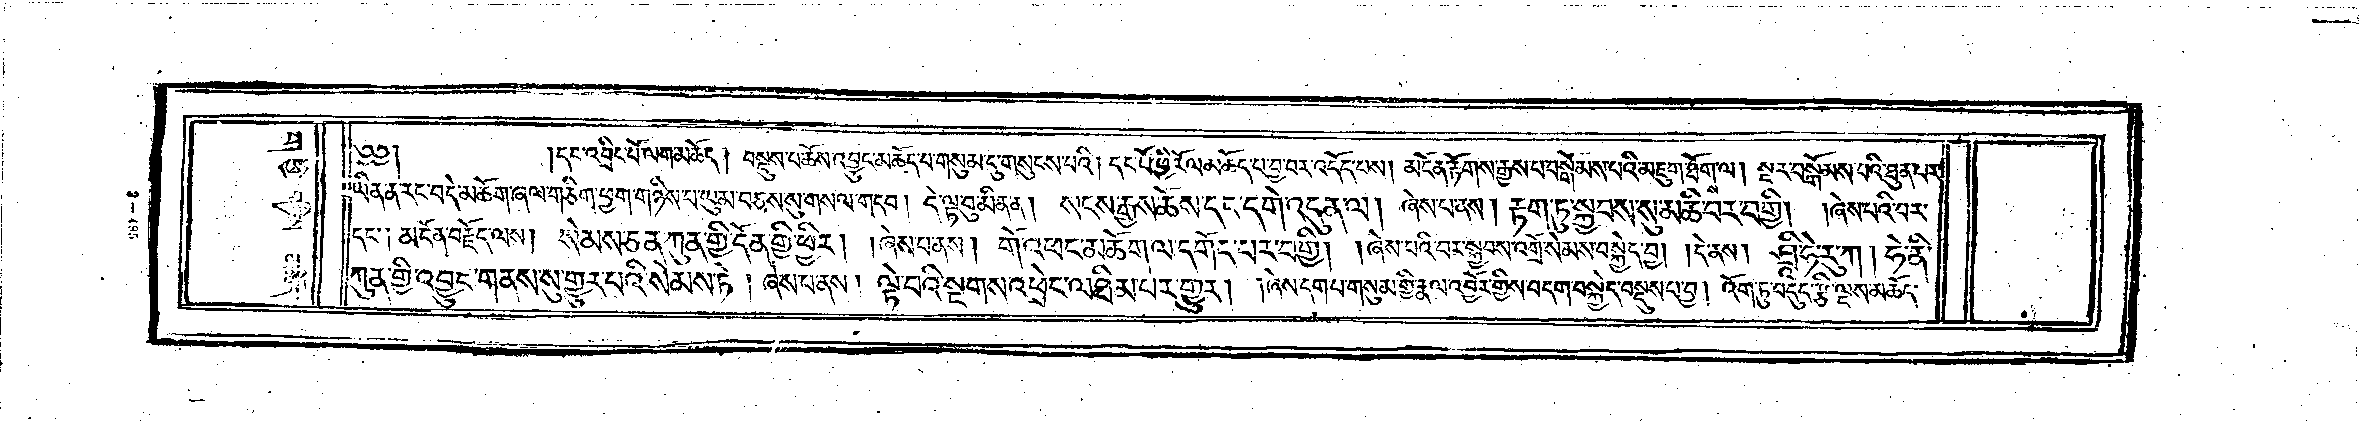༄༅། །དང་འབྲིང་པོ་ལག་མཆོད། བསྡུས་པ་ཆོས་འབྱུང་མཆོད་པ་གསུམ་དུ་གསུངས་པའི། དང་པོ་ཕྱི་རོལ་མཆོད་པ་བྱ་བར་འདོད་པས། མངོན་རྟོགས་རྒྱས་པ་བསྒོམས་པའི་མཇུག་ཐོགས་ལ། སྔར་བསྒོམས་པའི་ཐུན་པར་
ཡིན་ན་རང་བདེ་མཆོག་ཞལ་གཅིག་ཕྱག་གཉིས་པ་ཡུམ་བཅས་སུ་གསལ་གདབ། དེ་ལྟ་བུ་མིན་ན། སངས་རྒྱས་ཆོས་དང་དགེ་འདུན་ལ། ཞེས་པ་ནས།  རྟག་ཏུ་སྐྱབས་སུ་མཆི་བར་བགྱི། །ཞེས་པའི་བར་
དང༑ མངོན་བརྗོད་ལས། སེམས་ཅན་ཀུན་གྱི་དོན་གྱི་ཕྱིར། །ཞེས་པ་ནས།  གོ་འཕང་མཆོག་ལ་དགོད་པར་བགྱི། །ཞེས་པའི་བར་སྐྱབས་འགྲོ་སེམས་བསྐྱེད་བྱ། །དེ་ནས།  ཤྲཱི་ཧེ་རུ་ཀ། ཧེ་ནི་
ཀུན་གྱི་འབྱུང་གནས་སུ་གྱུར་པའི་སེམས་ཏེ། །ཞེས་པ་ནས།  ལྟེ་བའི་སྔགས་འཕྲེང་ལ་ཐིམ་པར་གྱུར། །ཞེས་དག་པ་གསུམ་གྱི་རྣལ་འབྱོར་གྱིས་བདག་བསྐྱེད་བསྡུས་པ་བྱ། འོག་ཏུ་བདུད་རྩི་ལྔས་མཆོད་